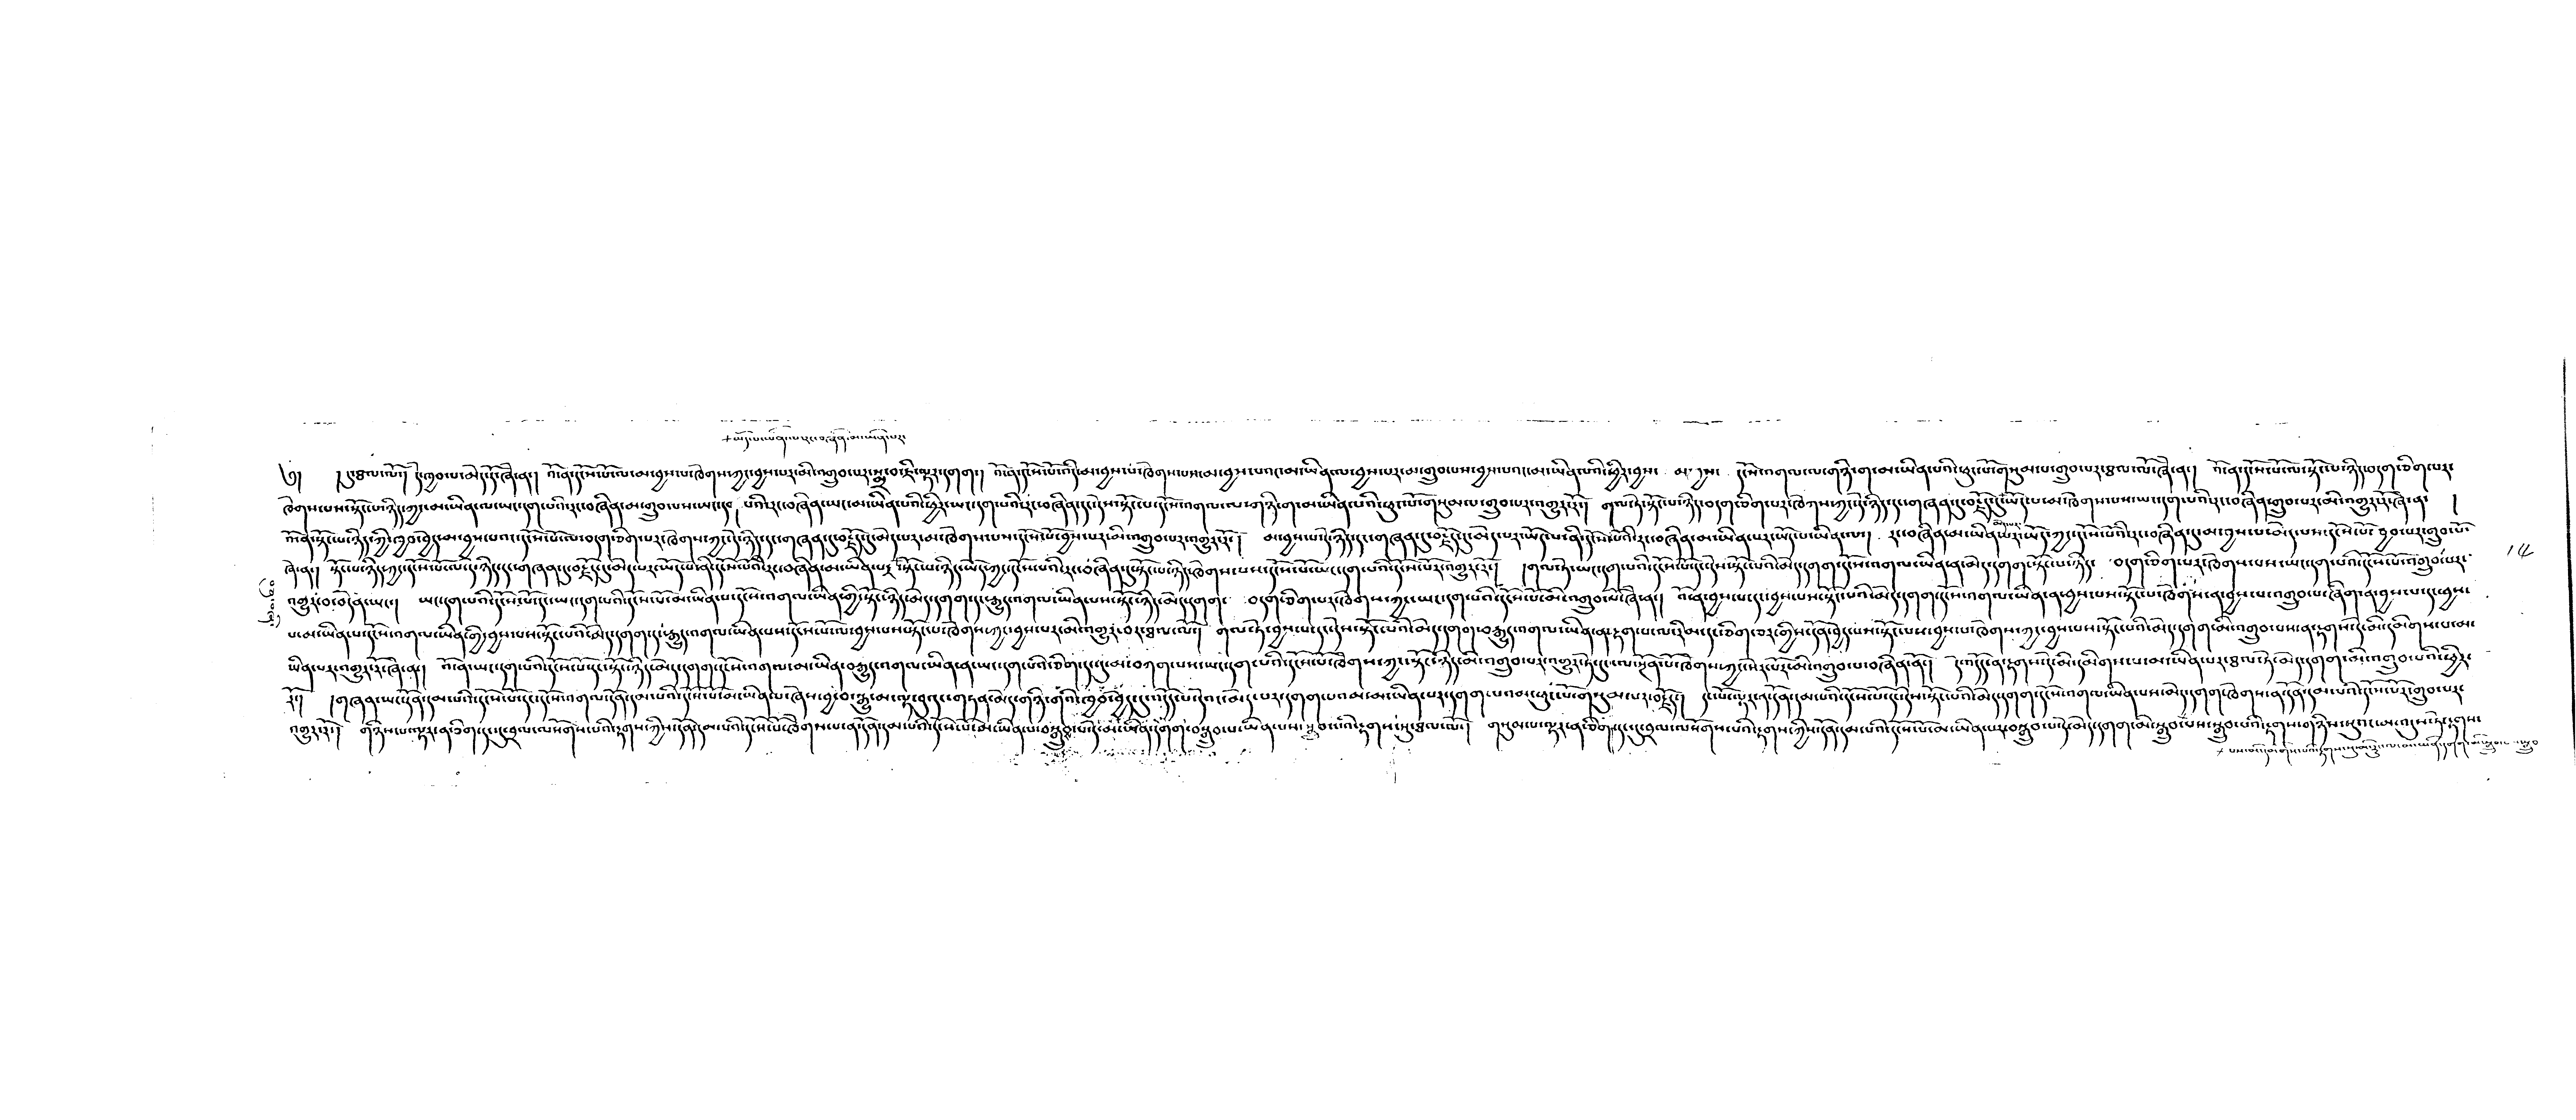༈། །དུ་ཐལ་ལོ། དེ་ཁྱབ་པ་མེད་དོ་ཞེ་ན། འོ་ན་དངོས་པོ་ལ་མ་བྱས་པ་ལོགས་ཀྱང་བྱས་པར་མི་འགྲུབ་པར་སྨྲ་བ་ཇི་ལྟར་དགག། འོ་ན་དངོས་པོ་འདི་མ་བྱས་པ་ལོགས་པས་མ་བྱས་པའང་མ་ཡིན་ལ་བྱས་པར་མ་གྲུབ་པས་བྱས་པའང་མ་ཡིན་པའི་ཕྱིར་བྱས་མ་བྱས་དངོས་འགལ་ལ་གཉི་ག་མ་ཡིན་པའི་ཕུང་པོ་གསུམ་པ་གྲུབ་པར་ཐལ་ལོ་ཞེ་ན། འོ་ན་དངོས་པོ་ལོ་སྟོང་པ་ཉིད་བདག་ཅིག་པར་
ཁེགས་པས་སྟོང་པ་ཉིད་ཀྱང་མ་ཡིན་ལ་ཡང་དག་པའི་རན་བཞིན་མ་གྲུབ་པས་ཡང་དག་པའི་རང་བཞིན་མང་མ་ཡིན་པའི་ཕྱིར་ཡང་དག་པའི་རང་བཞིན་དང་དེས་སྟོང་པ་དངོས་པོ་འགལ་ལ་གཉི་ག་ལ་མ་ཡིན་པའི་ཕུང་པོ་གསུམ་ལ་གྲུབ་པར་འགྱུར་རོ། གལ་ཏེ་སྟོང་པ་ཉིད་བདག་ཅིག་པར་ཁེགས་ཀྱང་དེ་ཉིད་དང་གཞན་དུ་བརྗོད་དུ་ཡོད་པ་མ་ཁེགས་པས་ཡང་དག་པའི་རང་བཞིན་གྲུབ་པར་མི་འགྱུར་རོ་ཞེ་ན་།
འོ་ན་སྟོང་པ་ཉིད་ཀྱི་ཁྱབ་བྱེད་མ་བྱས་པའང་དངོས་པོ་ལ་བདག་ཅིག་པར་ཁེགས་ཀྱང་དེ་ཉིད་དང་གཞན་དུ་བརྗོད་དུ་མེད་པར་མ་ཁེགས་པས་དངོས་པོ་བྱས་པར་མི་འགྲུབ་པར་འགྱུར་རོ། མ་བྱས་པ་དེ་ཉིད་དང་གཞན་དུ་བརྗོད་དུ་མེད་པར་ཡོད་པ་ནི་དངོས་པོའི་རང་བཞིན་མ་ཡིན་པར་ཡོད་པ་ཡིན་ལ། རང་བཞིན་མ་ཡིན་མེད་པར་ཡར་ཡོད་ཀྱང་དངོས་པོའི་རང་བཞིན་དུ་མ་བྱས་པ་མེད་པས་དངོས་པོ་བྱབ་པར་གྲུབ་པོ་
ཞེ་ན། སྟོང་པ་ཉིད་ཀྱང་དངོས་པོ་ལ་དེ་ཉིད་དང་གཞན་དུ་བརྗོད་དུ་མེད་པར་ཡོད་པ་ནི་དངོས་པོའི་རང་བཞིན་མ་ཡིན་པར་ཡོད་པ་ཡིན་པ་རང་བཞིན་མ་ཡིན་པར་སྟོང་པ་ཉིད་ཡོད་ཀྱང་དངོས་པོའི་རང་བཞིན་དུ་སྟོང་པ་ཉིད་ཁེགས་པས་དངོས་པོ་ཡང་དག་པའི་དངོས་པོར་འགྱུར་རོ། །གལ་ཏེ་ཡང་དག་པའི་དངོས་པོ་ད་དེས་སྟོང་པའི་མེད་དག་དངོས་འགལ་ཡིན་ན་མེད་དགག་སྟོན་པ་ཏེ། བདག་ཅིག་པར་ཁེགས་པས་ཡང་དག་པའི་དངོས་པོ་འགྲུབ་པར་
འགྱུར་བ་བདེན་ཡང་། ཡང་དག་པའི་དངོས་པོ་དང་ཡང་དག་པའི་དངོས་པོ་མ་ཡིན་པ་དངོས་འགལ་ཡིན་གྱི་སྟོང་ཉིད་མེད་དགག་དང་རྒྱུད་འགལ་ཡིན་པས་སྟོང་ཉིད་མེད་དགག་བདག་ཅིག་པར་ཁེགས་ཀྱིས་ཡང་དག་པའི་དངོས་པོ་མི་འགྲུབ་པོ་ཞེ་ན། འོ་ན་བྱས་པ་དང་བྱས་པས་སྟོང་པའི་མེད་དགག་དངོས་འགལ་ཡིན་ན་བྱས་པས་སྟོང་པ་ཁེགས་ན་བྱས་པ་འགྲུབ་པ་ཞིག་ན་བྱས་པ་དང་བྱས་
པ་མ་ཡིན་པ་དངོས་འགལ་ཡིན་གྱི་བྱས་པས་སྟོང་པའི་མེད་དགག་དང་རྒྱུད་འགལ་ཡིན་པས་དངོས་པོ་ལ་བྱས་པས་སྟོང་པ་ཁེགས་ཀྱང་བྱས་པར་མི་འགྱུར་བར་ཐལ་ལོ། གལ་ཏེ་བྱས་པ་དང་དེས་སྟོང་པའི་མེད་དགག་བརྒྱུད་འགལ་ཡིན་ན་རྟག་པ་ལ་རིམ་དང་ཅིག་ཅར་གྱིས་དོན་བྱེད་པས་སྟོང་པས་བྱས་པ་ཁེགས་ཀྱང་བྱས་པས་སྟོང་པའི་མེད་དགག་མི་འགྲུབ་པས་ན་རྟགས་དེ་མི་དམིགས་པ་མ་
ཡིན་པར་འགྱུར་རོ་ཞེ་ན། འོ་ན་ཡང་དག་པའི་དངོས་པོ་དང་སྟོང་ཉིད་མེད་དགག་དངོས་འགལ་མ་ཡིན་བརྒྱུད་འགལ་ཡིན་ན་ཡང་དག་པའི་ཅིག་དང་དུ་མ་བཀག་པས་ཡང་དག་པའི་དངོས་པོ་ཁེགས་ཀྱང་སྟོང་ཉིད་མི་འགྲུབ་པར་འགྱུར་ཏེ་དུ་མ་ལ་སྔོན་པོ་ཁེགས་ཀྱང་སེར་པོར་མི་འགྲུབ་པ་བཞིན་ནོ། དེ་འདོད་ན་རྟགས་དེ་མི་དམིགས་པ་མ་ཡིན་པར་ཐལ་ཏེ་མེད་དགག་མི་འགྲུབ་པའི་ཕྱིར་
རོ། །གཞན་ཡང་དོན་དམ་པའི་དངོས་པོ་དང་དངོས་འགལ་དོན་དམ་པའི་དངོས་པ་མ་ཡིན་པ་ཞེས་བྱ་བ་རྒྱུ་མ་ལྟ་བུ་དང་གཏན་མེད་གཉི་གའི་ཁྱབ་བྱེད་དུ་འདོད་པ་དེའང་མེད་པར་དགག་པའམ་མ་ཡིན་པར་དགག་པའམ་ཕུང་པོ་གསུམ་པར་བརྗོད། དང་པོ་ལྟར་ན་དོན་དམ་པའི་དངོས་པོ་དེས་སྟོང་པའི་མེད་དགག་དངོས་འགལ་ཡིན་པས་མེད་དགག་ཁེགས་ན་དོན་དམ་པའི་དངོས་པོར་གྲུབ་པར་
འགྱུར་རོ། གཉིས་པ་ལྟར་ན་ཅིག་དང་དུ་བྲལ་ལ་སོགས་པའི་རྟག་ཀྱིས་དོན་དམ་པའི་དངོས་པོ་ཁེགས་པ་ན་དོན་དམ་པའི་དངོས་པོ་མ་ཡིན་པ་བསྒྲུབས་པ་དེ་མ་ཡིན་དགག་བསྒྲུབ་པ་ཡིན་པས་སྒྲུབ་པའི་རྟགས་སུ་ཐལ་ལོ། གསུམ་པ་ལྟར་ན་ཅིག་དང་དུ་བྲལ་ལ་སོགས་པའི་རྟགས་ཀྱིས་དོན་དམ་པའི་དངོས་པོ་མ་ཡིན་པར་བསྒྲུབ་པ་དེ་མེད་དགག་མི་སྒྲུབ་པས་སྒྲུབ་པའི་རྟགས་གཉིས་སུའང་ཡང་འདུས་ཏེ་རྟགས་